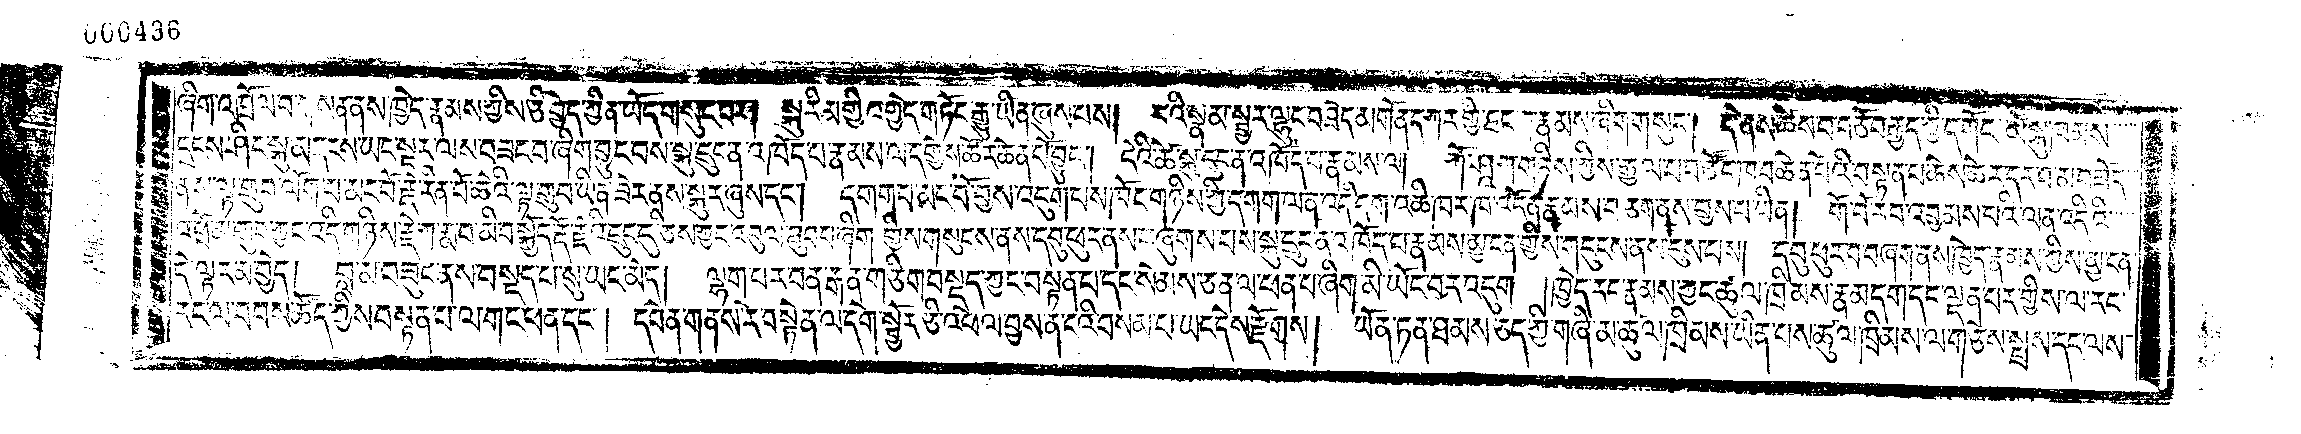ཞིག་འཁྲོལ་བ་གསན་ནས་ཁྱེད་རྣམས་ཀྱིས་ཅི་བྱེད་ཀྱིན་ཡོད་གསུང་བར། སྐུ་རིམ་གྱི་འགྱེད་གཏོང་རྒྱུ་ཡིན་ཞུས་པས། ངའི་སྣམ་སྦྱར་ལྷུང་བཟེད་མགོན་དཀར་གྱི་ཐང་ག་རྣམས་ཞོག་གསུང་། དེ་ནས་ཚེས་པ་བཅོ་བརྒྱད་ཀྱི་དགོང་མོ་སྐུ་ཁམས་
དྭངས་ཤིང་སྐུ་མདངས་ཡང་སྔར་ལས་བཟང་བ་ཞིག་བྱུང་བས་སྐུ་དྲུང་ན་འཁོད་པ་རྣམས་ལ་དགྱེས་ཚོར་ཆེན་པོ་བྱུང་། དེའི་ཚེ་སྐུ་དྲུང་ན་འཁོད་པ་རྣམས་ལ། གོ་ཤཱཀ་གཉིས་ཀྱིས་རྒྱལ་བ་བཙོང་ཁ་པ་ཆེན་པོའི་བསྟན་པ་ཆེས་ཆེར་དར་པ་མ་བཟོད་
ནས་ལྟ་གྲུབ་ལོག་པ་མང་པོ་རྗེ་རིན་པོ་ཆེའི་ལྟ་གྲུབ་ཡིན་ཟེར་ནས་སྐུར་ཞུས་དང་། དགག་པ་མང་པོ་བྱས་འདུག་པས་ཁོང་གཉིས་ཀྱི་དགག་ལན་འདི་དག་འཆི་ཁར་ཁ་འདོན་རྣམས་བཅག་ནས་བྱས་པ་ཡིན། གོ་བོ་རབ་འབྱམས་པའི་ལན་འདིའི་
འཕྲོ་མ་གྲུབ་ཀྱང་འདི་གཉིས་རྗེ་ཀརྨ་བ་མི་བསྐྱོད་རྡོ་རྗེའི་དྲུང་དུ་ཅིས་ཀྱང་འབུལ་ཐུབ་པ་ཞིག་གྱིས་གཤུང་ནས་དབུ་ཕུར་ནས་བཞུགས་པས་སྐུ་དྲུང་ན་འཁོད་པ་རྣམས་མྱ་གནང་གྱིས་གདུངས་ནས་ངུས་པས། དབུ་ཕུར་བ་བཞག་ནས་ཁྱེད་རྣམས་ཀྱིས་མྱ་ངན་
དེ་ལྟར་མ་བྱེད། བླ་མ་བཟུང་ནས་བསྡད་པ་སུ་ཡང་མེད། ལྷག་པར་བན་རྒན་གཅིག་བསྡད་ཀྱང་བསྟན་པ་དང་སེམས་ཅན་ལ་ཕན་པ་ཞིག་མི་ཡོང་བར་འདུག །ཁྱེད་རང་རྣམས་ཀྱང་ཚུལ་ཁྲིམས་རྣམ་དག་དང་ལྡན་པར་གྱིས་ལ་རང་
རང་ལ་བབས་ཚོད་ཀྱིས་བསྟན་པ་ལ་གང་ཕན་དང་། དབོན་གནས་རེ་བསྟེན་ལ་དགེ་སྦྱོར་ཅི་འཕེལ་བྱས་ན་ངའི་བསམ་པ་ཡང་དེས་རྫོགས། ཡོན་ཏན་ཐམས་ཅད་ཀྱི་གཞི་མ་ཚུལ་ཁྲིམས་ཡིན་པས་ཚུལ་ཁྲིམས་ལ་གཅེས་སྤྲས་དང་ལས་